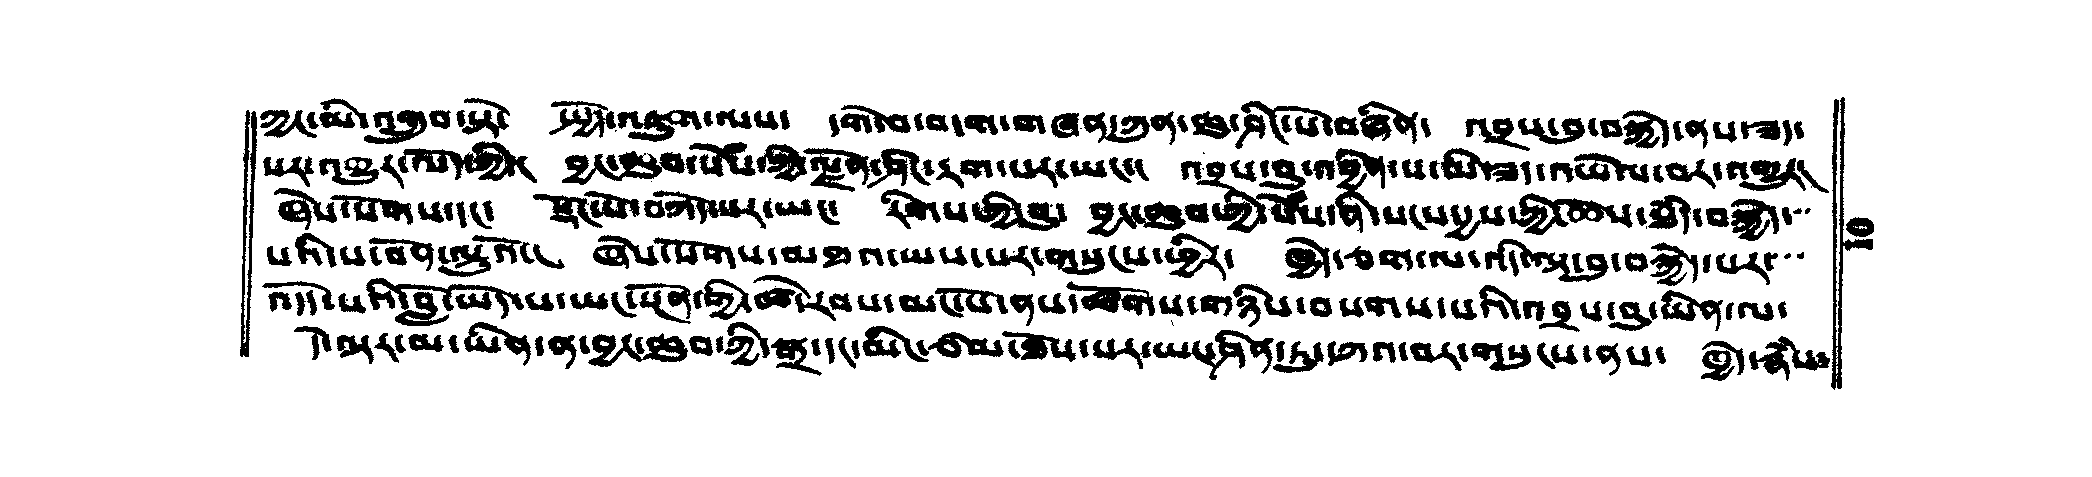ཀྱང་མི་འགྲུབ་སྟེ། སྤྱོད་འཇུག་ལས། དགེ་བ་བདག་གཞན་ཀུན་ཆུ་ཤིང་པོ་བཞིན། འབྲས་བུ་བསྐྱེད་ནས་ཟད་
པར་འགྱུར་མོད་ཀྱི། བྱང་ཆུབ་སེམས་ཀྱི་ལྗོན་ཤིང་རྟག་པར་ཡང་། འབྲས་བུ་འབྱིན་པ་མི་ཟད་འཕེལ་བར་འགྱུར། 
ཞེས་སོགས་དང་། སྡོང་པོ་བཀོད་པར་ཡང་། རིགས་ཀྱི་བུ། བྱང་ཆུབ་ཀྱི་སེམས་ནི་སངས་རྒྱས་ཀྱི་ཆོས་ཐམས་ཅད་བསྐྱེད་
པའི་ས་བོན་ལྟ་བུའོ། ཞེས་སོགས་མཐའ་ཡས་པར་གསུངས་ཕྱིར། ཁྱེད་ཅག་ལ་འདི་ལྟ་བུ་བསྐྱེད་པར་
འདོད་པའི་བློ་ཡོད་པ་ཡང་སྔོན་གྱི་ཚེ་རབས་མང་པོ་ནས་ཚོགས་གཉིས་བསགས་པའི་འབྲས་བུ་ཡིན་ལ།
དེ་ལྟར་མ་ཡིན་ན་བྱང་ཆུབ་ཀྱི་སྒྲ་དང་མིང་ཙམ་ཐོས་པར་ཡང་ཤིན་རུ་དཀའ་བར་གསུངས་ནས། ཁྱེད་རྣམས་